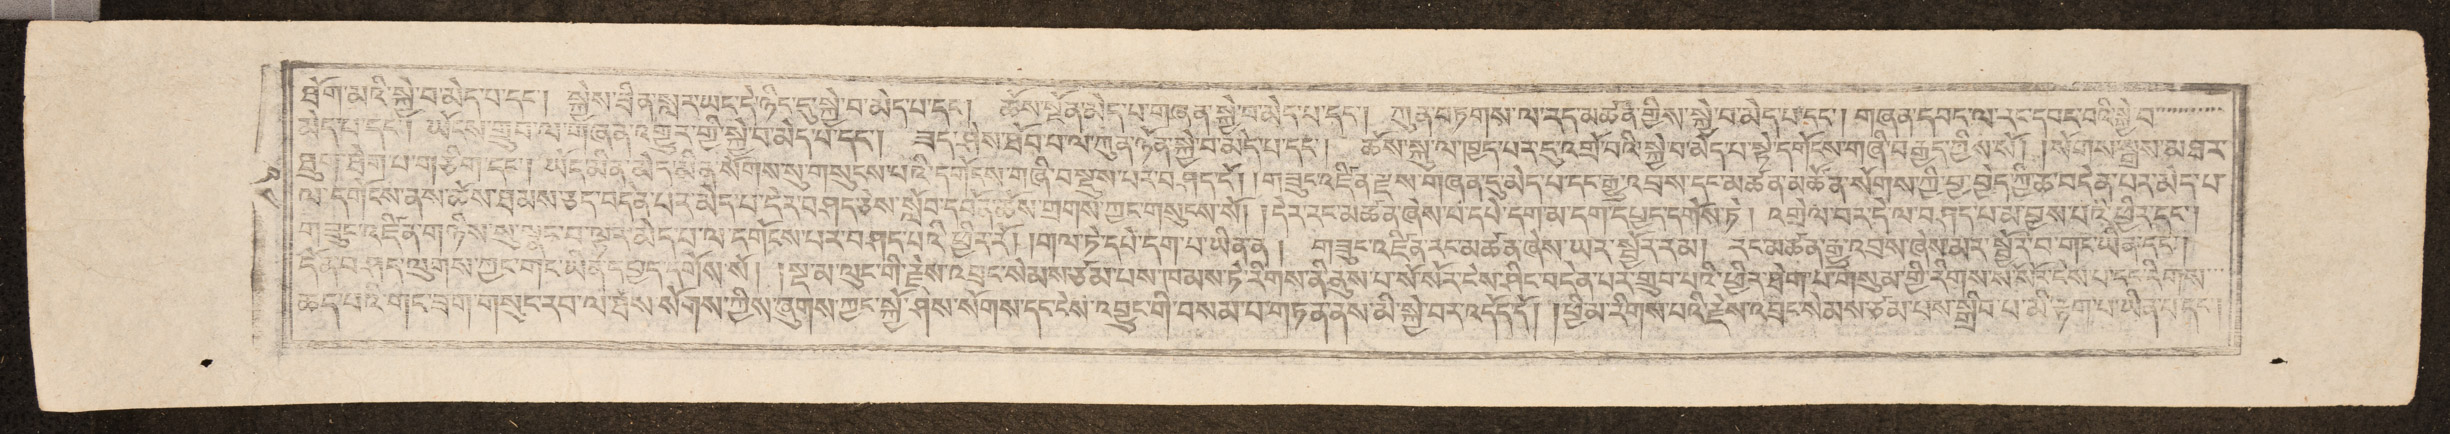ཐོག་མའི་སྐྱེ་བ་མེད་པ་དང་། སྐྱེས་ཟིན་སླར་ཡང་དེ་ཉིད་དུ་སྐྱེ་བ་མེད་པ་དང་། ཆོས་སྔོན་མེད་པ་གཞན་སྐྱེ་བ་མེད་པ་དང་། ཀུན་བཏགས་ལ་རང་མཚན་གྱིས་སྐྱེ་བ་མེད་པ་དང་། གཞན་དབང་ལ་རང་དབང་པའི་སྐྱེ་བ་
མེད་པ་དང་། ཡོངས་གྲུབ་ལ་གཞན་འགྱུར་གྱི་སྐྱེ་བ་མེད་པ་དང་། ཟད་ཤེས་ཐོབ་པ་ལ་ཀུན་ཉོན་སྐྱེ་བ་མེད་པ་དང་། ཆོས་སྐུ་ལ་ཁྱད་པར་དུ་འགྲོ་བའི་སྐྱེ་བ་མེད་པ་སྟེ་དགོངས་གཞི་བརྒྱད་ཀྱིས་སོ། །སོགས་སྒྲས་མཐར་
ཐུག་ཐེག་པ་གཅིག་དང་། ཡོད་མིན་མེད་མིན་སོགས་སུ་གསུངས་པའི་དགོངས་གཞི་བསྡུས་པར་བཤད་དོ། །གཟུང་འཛིན་རྫས་གཞན་དུ་མེད་པ་དང་རྒྱུ་འབྲས་དང་མཚན་མཚོན་སོགས་ཀྱི་བྱ་བྱེད་ཀྱི་ཆ་བདེན་པར་མེད་པ་
ལ་དགོངས་ནས་ཆོས་ཐམས་ཅད་བདེན་པར་མེད་པ་དེར་བཤད་ཅེས་སློབ་དབོན་ཆོས་གྲགས་ཀྱང་གསུངས་སོ། །དེར་རང་མཚན་ཞེས་པ་དཔེ་དག་མ་དག་དཔྱད་དགོས་ཏེ། འགྲེལ་བར་དེ་ལ་བཤད་པ་མ་བྱས་པའི་ཕྱིར་དང་།
གཟུང་འཛིན་གཉིས་སུ་སྣང་བ་ལྟར་མེད་པ་ལ་དགོངས་པར་བཤད་པའི་ཕྱིར་རོ། །གལ་ཏེ་དཔེ་དག་པ་ཡིན་ན། གཟུང་འཛིན་རང་མཚན་ཞེས་ཡར་སྦྱོར་རམ། རང་མཚན་རྒྱུ་འབྲས་ཞེས་མར་སྦྱོར་བ་གང་ཡིན་དང་།
དོན་བཤད་ལུགས་ཀྱང་གང་ཡིན་དཔྱད་དགོས་སོ། །སྔ་མ་ལུང་གི་རྗེས་འབྲང་སེམས་ཙམ་པས་ཁམས་ཏེ་རིགས་ནི་ནུས་པ་སོ་སོར་ངེས་ཤིང་བདེན་པར་གྲུབ་པའི་ཕྱིར་ཐེག་པ་གསུམ་གྱི་རིགས་སོ་སོར་ངེས་པ་དང་རིགས་
ཆད་པའི་གང་ཟག་གསུང་རབ་ལ་ཐོས་སོགས་ཀྱིས་ཞུགས་ཀྱང་སྐྱོ་ཤིང་སོགས་དང་ངེས་འབྱུང་གི་བསམ་པ་གཏན་ནས་མི་སྐྱེ་བར་འདོད་དོ། །ཕྱི་མ་རིགས་པའི་རྗེས་འབྲང་སེམས་ཙམ་པས་སྒྲིབ་པ་མི་རྟག་པ་ཡིན་པ་དང་།